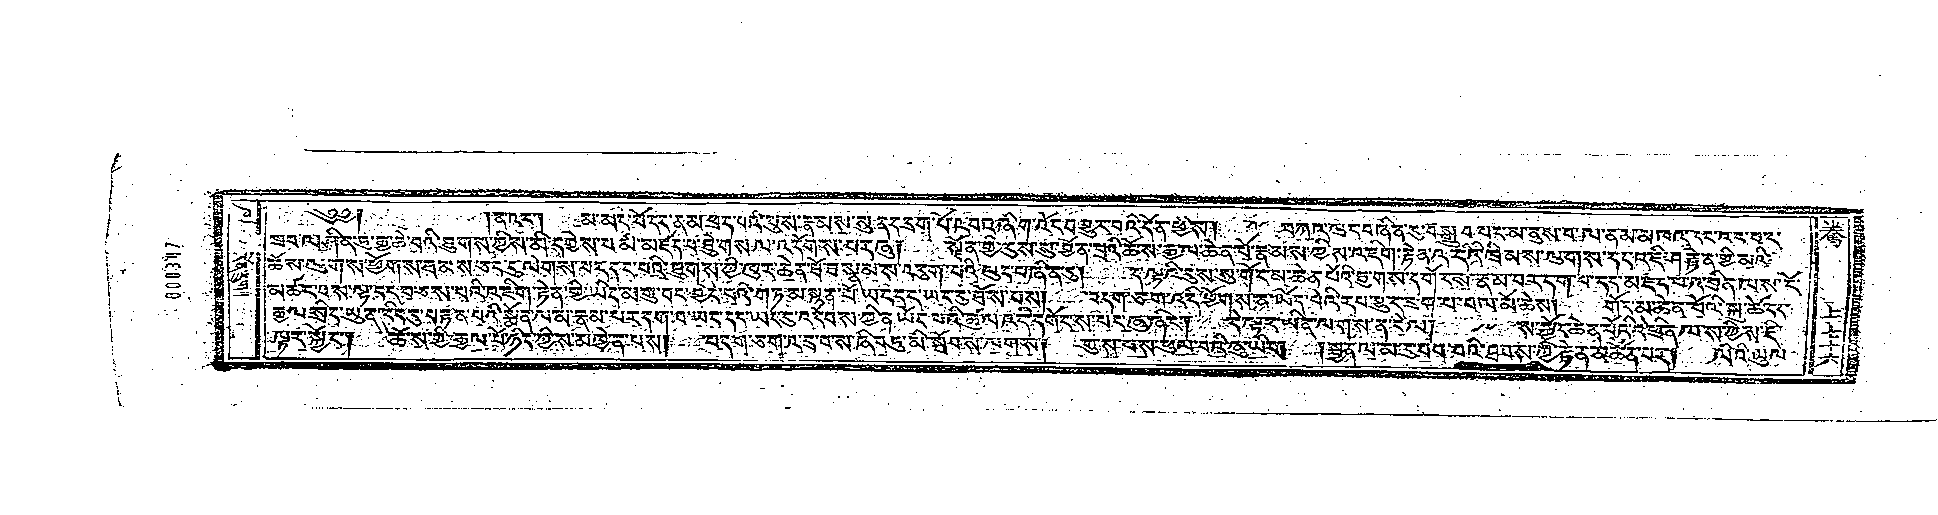༄༅། །ནའང་། མ་མང་པོ་དང་ནམ་ཕྲད་པའི་པུས་རྣམས་སུ་ནད་དྲག་པོ་འབའ་ཞིག་འོང་བ་བྱུང་བའི་དོན་ཕྱིས། ༧་བཀའ་ལུང་བཞིན་དུ་བསྒྲུབ་པར་མ་ནུས་བ་ལ་ནམ་མཁའ་དང་འང་བར་
ཟབ་ལ་ཤིན་ཏུ་རྒྱ་ཆེ་བའི་ཐུགས་ཀྱིས་མི་དགྱེས་པ་མི་མཛད་པ་ཐུ་གསལ་འདོགས་པར་ཞུ། སྔོན་གྱི་དུས་སུ་བྱོན་པའི་ཆོས་རྒྱལ་ཆེན་པོ་རྣམས་ཀྱིས་འཇིག་རྟེན་འདིའི་ཁྲིམས་ལུགས་དང་འཇིག་བརྟེན་ཕྱི་མའི་
ཆོས་ལུགས་ཕྱོགས་ཐམས་ཅད་དུ་ལེགས་པར་དང་པའི་ཐུགས་ཀྱི་ཁུར་ཆེན་ཐོ་བསྣམས་འདུག་པའི་ལུར་བཞིན་དུ། ད་ལྟའི་དུས་སུ་གོང་མ་ཆེན་པོའི་ཐུགས་དགོངས་རྣམ་བར་དག་པ་དང་མཛད་པ་འཕྲིན་ལས་ངོ་
མཚར་བས་ལྷ་དང་བཅས་པའི་འཇིག་རྟེན་གྱི་ཡིད་མགུ་བར་བྱེ་དེ་བའི་གཏམ་སྙན་པོ་ཡང་དང་ཡང་དུ་ཐོས་པས། བདག་ཅག་འདི་ཕྱོགས་ན་ཡོད་པའི་རབ་བྱུང་དྲུག་པ་པལ་མོ་ཆེས། གོང་མ་ཆེན་པོའི་སྐུ་ཚེ་དང་
རྒྱལ་སྲིད་ཡུན་རིང་དུ་བརྟན་པའི་སྨོན་ལམ་རྣམ་པར་དག་བ་ཡང་དང་ཡང་དུ་འདེབས་ཀྱིན་ཡོང་པའི་ཚུལ་འདི་དགོངས་པར་ཞུ་ཞིང་། དེ་ལྟར་ཡིན་ལགས་ན་དེ་ལ། ༧་ས་སྐྱོང་ཆེན་པོའི་འཕྲིན་ལས་ཀྱིས་ཇི་
ལྟར་སྐྱོང་། ཆོས་གྱི་རྒྱལ་པོ་ཉིད་ཀྱིས་མཁྱེན་པས། བདག་ཅག་འདྲ་བས་ཞིབ་ཏུ་མི་སྦོབས་ལགས། གུས་པས་ཕུལ་བའི་ཞུ་ཡིག །སྦྱན་ལ་མ་དུ་བབ་བའི་ཐབས་ཀྱི་རྟེན་མཚོན་པར། ལིའི་ཡུལ་